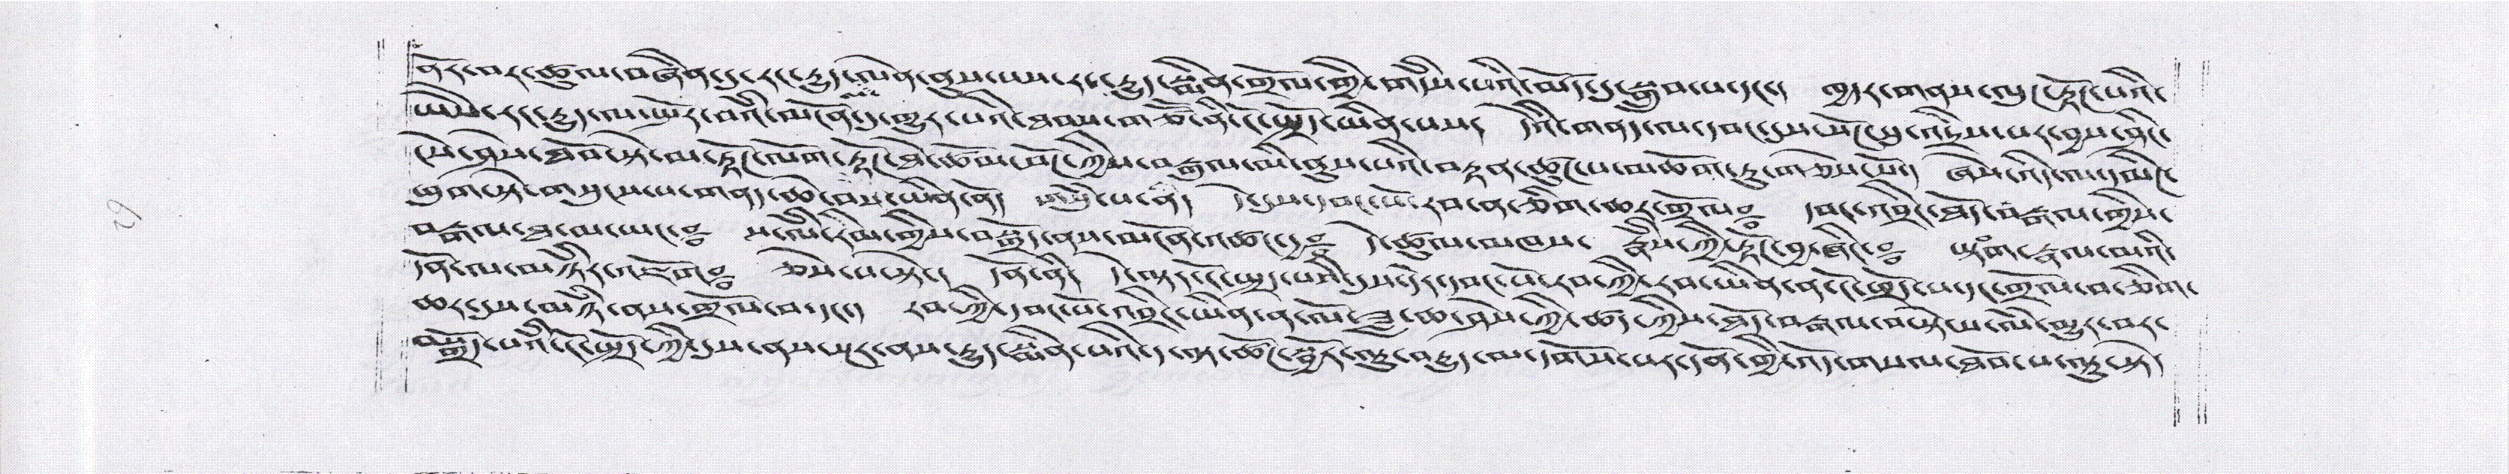ནོར་བར་ཚུལ་བཞིན་དུ་རང་རྒྱུད་ལ་ལེན་ནུས་པས་རང་རྒྱུད་སྨིན་གྲོལ་གྱི་གདམས་པའི་མཛོད་དུ་བསྒྲུབ་པ་དང་། ཁྱད་པར་གནས་ལུགས་རྟོགས་པའི་
ཡེ་ཤེས་རང་རྒྱུད་ལ་སྤོར་བའམ་མངོན་དུ་གྱུར་པའི་ཐབས་གཙོ་བོ་ནི་ངོ་སྤྲོད་ཡིན་པས། དེའི་གནད་ལ་དབང་དུས་སོགས་སུ་འདྲིས་པར་བྱས་ཤིང་
ངེས་ཤེས་ཐོབ་སྟེ་མ་རྟོགས་ལོག་རྟོག་ཐེ་ཚོམ་སོགས་ཀྱིས་བསྒུལ་མི་ནུས་པའི་བརྟན་ཚུགས་པ་མཆོག་ཏུ་གཅེས་སོ། ཞེས་འདི་ལ་དམིགས་
ཕུག་སྟེ་གསུངས་པ་གནད་ཆེ་བས་ཡིན་ནོ། གསུམ་པ་ནི། དེ་དུས་དབང་པོ་རབ་ན་ཅིག་ཆར་གྲོལཿ དབང་འབྲིང་ཐོད་རྒལ་གྱིས་
བརྒལ་ཐ་མ་ཡངཿ ས་ལམ་རིམ་གྱིས་བགྲོད་ནས་མངོན་འཚང་རྒྱཿ དེ་ཚུལ་མཁས་པ་རྣམས་ཀྱིས་རྟོགས་བྱ་ཞིངཿ མན་ངག་རྣལ་མའི་
དོན་ལ་མཉམ་པར་འཇོགཿ ཅེས་པ་སྟེ། དོན་ནི། དེ་ལྟར་ངོ་སྤྲོད་པའི་དུས་དེར་དབང་པོ་རབ་ཀྱི་རབ་ཡིན་ན་ངོ་སྤྲོད་པ་དང་གྲོལ་བ་ཅིག་
ཆར་དུས་མཉམ་ནས་གྲོལ་བ་དང་། རབ་ཀྱི་དབང་པོ་འབྲིང་ཡིན་ན་ལོ་ཟླ་ཆ་ཤས་ཀྱི་ཚད་ཀྱིས་ཐོད་བརྒལ་བ་སྟེ་ས་ལམ་མྱུར་བར་
བསྒྲོད་པའི་ངོ་སྤྲོད་ཀྱི་དུས་ནས་སྔར་ནས་རྒྱུད་སྨིན་པའི་ད་ལྟ་ཚོགས་སྦྱོར་ལྟ་བུ་བརྒྱུད་མ་དགོས་པར་དོན་གྱི་འོིད་གསལ་ཐོབ་པ་ལྟ་བུ་སྟེ།